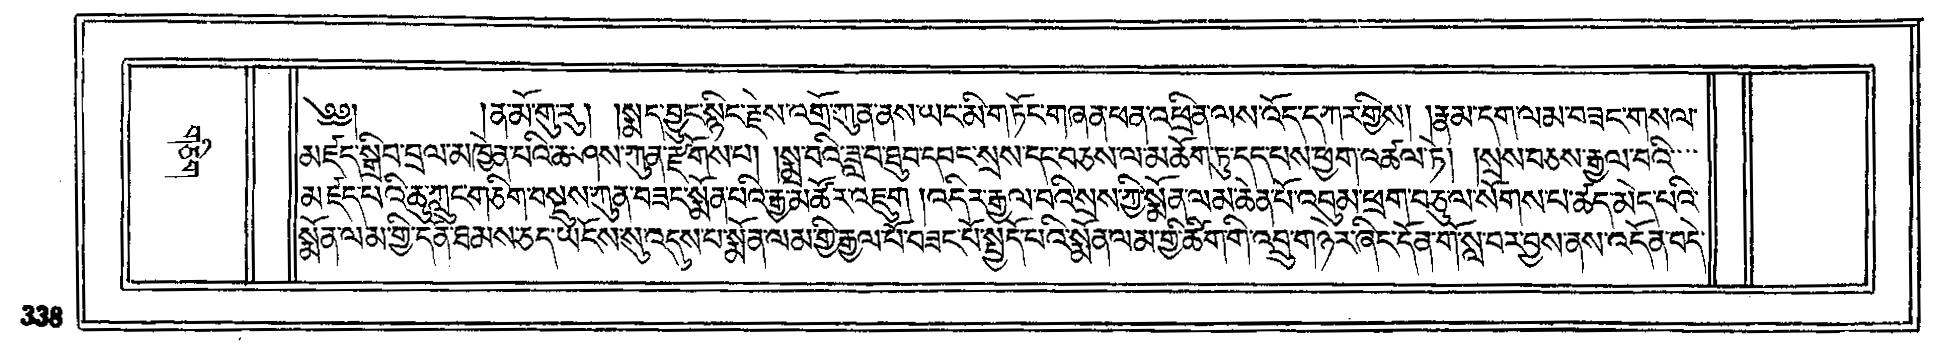༄༅། །ན་མོ་གུ་རུ། །སྨད་བྱུང་སྙིང་རྗེས་འགྲོ་ཀུན་ནས་ཡང་མི་གཏོང་གཞན་ཕན་འཕྲིན་ལས་འོད་དཀར་གྱིས། །རྣམ་དག་ལམ་བཟང་གསལ་
མཛད་སྒྲིབ་བྲལ་མཁྱེན་པའི་ཆ་ཤས་ཀུན་རྫོགས་པ། །སྨྲ་བའི་ཟླ་བ་ཐུབ་དབང་སྲས་དང་བཅས་ལ་མཆོག་ཏུ་དད་པས་ཕྱག་འཚལ་ཏེ། །སྲས་བཅས་རྒྱལ་བའི་
མཛད་པའི་ཆུ་ཀླུང་གཅིག་བསྡུས་ཀུན་བཟང་སྨོན་པའི་རྒྱ་མཚོར་འཇུག །འདིར་རྒྱལ་བའི་སྲས་ཀྱི་སྨོན་ལམ་ཆེན་པོ་འབུམ་ཕྲག་བཅུ་ལ་སོགས་པ་ཚད་མེད་པའི་
སྨོན་ལམ་གྱི་དོན་ཐམས་ཅད་ཡོངས་སུ་འདུས་པ་སྨོན་ལམ་གྱི་རྒྱལ་པོ་བཟང་པོ་སྤྱོད་པའི་སྨོན་ལམ་གྱི་ཚིག་གི་འབྲུ་གཉེར་ཞིང་དོན་གོ་སླ་བར་བྱས་ནས་འདོན་བདེ་